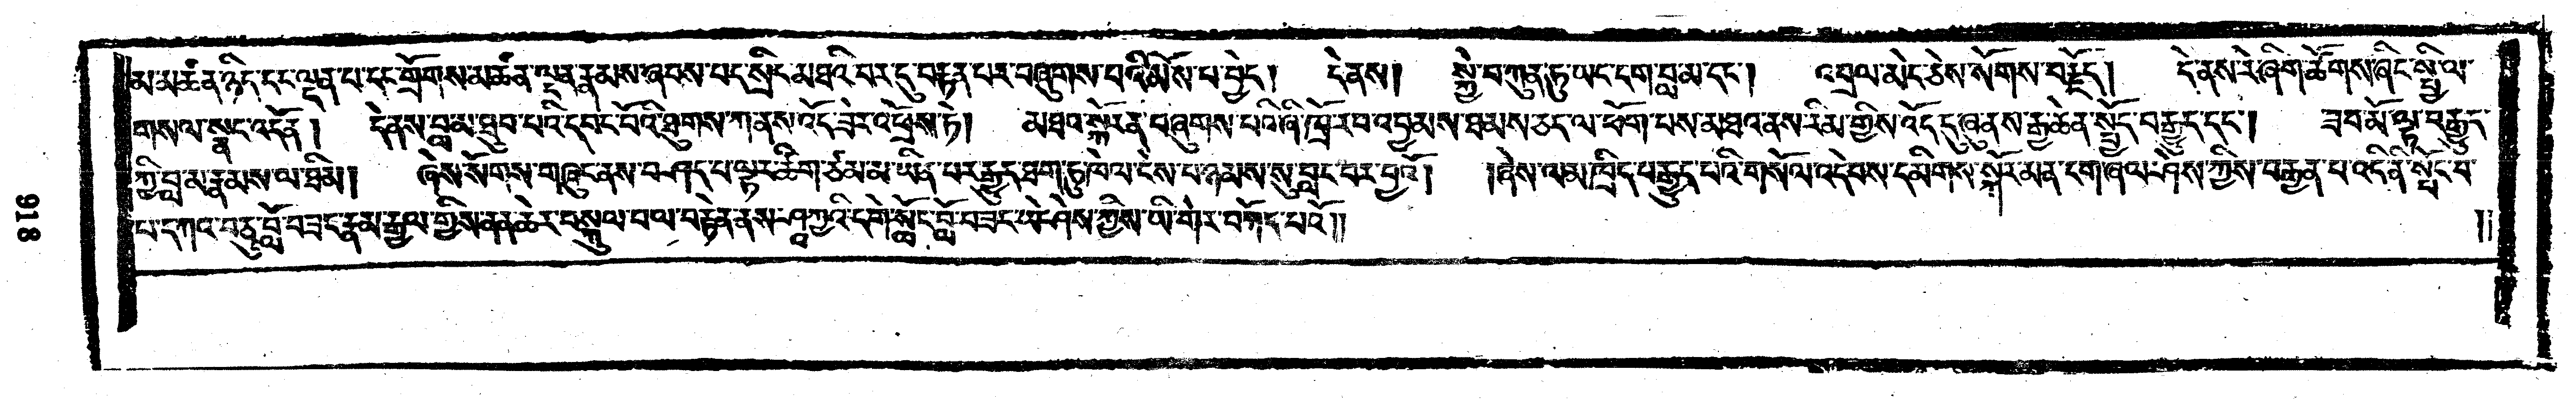མ་མཚན་ཉིད་དང་ལྡན་པ་དང་གྲོགས་མཚན་ལྡན་རྣམས་ཞབས་པད་སྲིང་མཐའི་བར་དུ་བརྟན་པར་བཞུགས་པའི་མོས་པ་བྱེད། དེ་ནས། སྐྱེ་བ་ཀུན་ཏུ་ཡང་དག་བླ་མ་དང་། འབྲལ་མེད་ཅེས་སོགས་བརྗོད། དེ་ནས་རེ་ཞིག་ཚོགས་ཞིང་སྤྱི་ལ་
གསལ་སྣང་འདོན། དེ་ནས་བླ་མ་ཐུབ་པའི་དབང་པོའི་ཐུགས་ཀ་ནས་འོད་ཟེར་འཕྲོས་ཏེ། མཐའ་སྐོར་ན་བཞུགས་པའི་ཞི་ཁྲོ་རབ་འབྱམས་ཐམས་ཅད་ལ་ཕོག་པས་མཐའ་ནས་རིམ་གྱིས་འོད་དུ་ཞུ་ནས་རྒྱ་༈ཆེན་སྤྱོད་བརྒྱུད་དང་། ཟབ་མོ་ལྟ་བརྒྱུད་
ཀྱི་བླ་མ་རྣམས་ལ་ཐིམ། ཞེས་སོགས་གཞུང་ནས་བཤད་པ་ལྟར་ཚིག་ཙམ་མ་ཡིན་པར་རྒྱུད་ཐག་ཏུ་ཁེལ་ངེས་པ་ཉམས་སུ་བླང་བར་བྱའོ། །ཞེས་ལམ་ཁྲིད་བརྒྱུད་པའི་གསོལ་འདེབས་དམིགས་སྐོར་མན་ངག་ཞལ་ཤེས་ཀྱིས་བརྒྱན་པ་འདི་ནི་སྤོང་བ་
པ་དཀའ་བཅུ་བློ་བཟང་རྣམ་རྒྱལ་གྱིས་ནན་ཆེར་བསྐུལ་བ་ལ་བརྟེན་ནས་ཤཱཀྱའི་དགེ་སློང་བློ་བཟང་ཡེ་ཤེས་ཀྱིས་ཡི་གེར་བཀོད་པའོ།། །